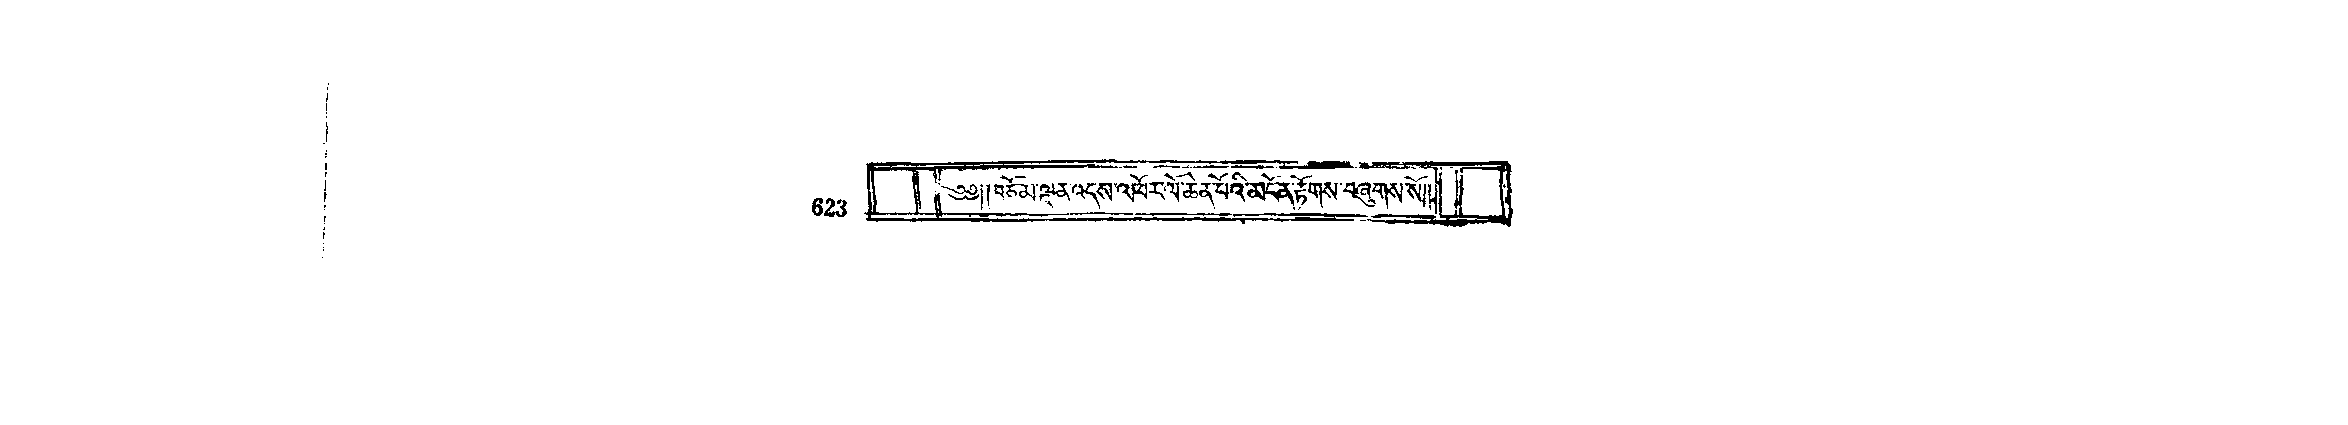༄༅། །བཅོམ་ལྡན་འདས་འཁོར་ལོ་ཆེན་པོའི་མངོན་རྟོགས་བཞུགས་སོ། །